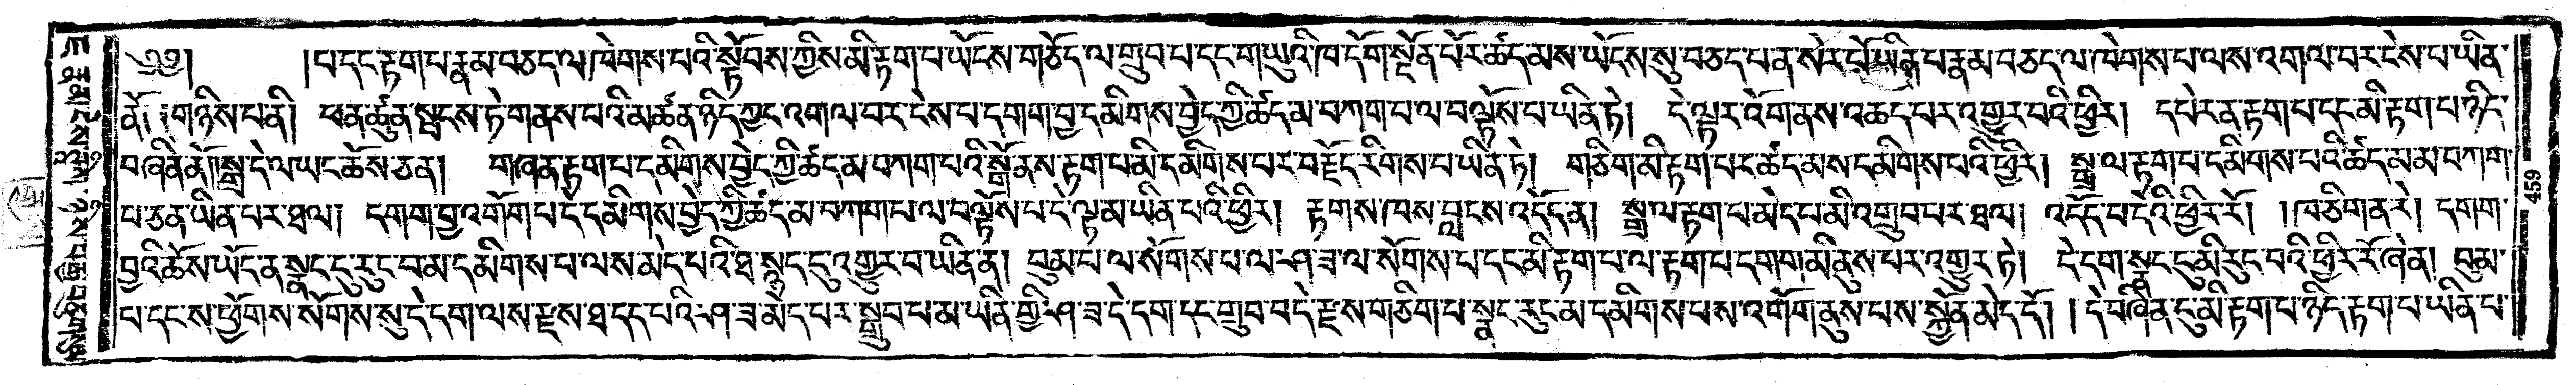༄༅། །པ་དང་རྟག་པ་རྣམ་བཅད་ལ་ཁེགས་པའི་སྟོབས་ཀྱིས་མི་རྟག་པ་ཡོངས་གཅོད་ལ་གྲུབ་པ་དང་གཡུའི་ཁ་དོག་སྔོན་པོར་ཚད་མས་ཡོངས་སུ་བཅད་པ་ན་སེར་པོ་ཡིན་པ་རྣམ་བཅད་ལ་ཁེགས་པ་ལས་འགལ་བར་ངེས་པ་ཡིན་
ནོ། །གཉིས་པ་ནི། ཕན་ཚུན་སྤངས་ཏེ་གནས་པའི་མཚན་ཉིད་ཀྱང་འགལ་བར་ངེས་པ་དགག་བྱ་དམིགས་བྱེད་ཀྱི་ཚད་མ་བཀག་པ་ལ་བལྟོས་པ་ཡིན་ཏེ། དེ་ལྟར་འོག་ནས་འཆད་པར་འགྱུར་བའི་ཕྱིར། དཔེར་ན་རྟག་པ་དང་མི་རྟག་པ་ཉིད་
བཞིན་ནོ། །སྒྲ་དེ་ལ་ཡང་ཆོས་ཅན། གཞན་རྟག་པ་དམིགས་བྱེད་ཀྱི་ཚད་མ་བཀག་པའི་སྒོ་ནས་རྟག་པ་མི་དམིགས་པར་བརྗོད་རིགས་པ་ཡིན་ཏེ། གཅིག་མི་རྟག་པར་ཚད་མས་དམིགས་པའི་ཕྱིར། སྒྲ་ལ་རྟག་པ་དམིགས་པའི་ཚད་མ་མ་བཀག་
པ་ཅན་ཡིན་པར་ཐལ། དགག་བྱ་འགོག་པ་དེ་དམིགས་བྱེད་ཀྱི་ཚད་མ་བཀག་པ་ལ་བལྟོས་པ་དེ་ལྟ་མ་ཡིན་པའི་ཕྱིར། རྟགས་ཁས་བླངས་འདོད་ན། སྒྲ་ལ་རྟག་པ་མེད་པ་མི་འགྲུབ་པར་ཐལ། འདོད་པ་དེའི་ཕྱིར་རོ། །ཁ་ཅིག་ན་རེ། དགག་
བྱའི་ཆོས་ཡོད་ན་སྣང་དུ་རུང་བ་མ་དམིགས་པ་ལས་མེད་པའི་ཐ་སྙད་དུ་འགྱུར་བ་ཡིན་ན། བུམ་པ་ལ་སོགས་པ་ལ་ཤ་ཟ་ལ་སོགས་པ་དང་མི་རྟག་པ་ལ་རྟག་པ་དགག་མི་ནུས་པར་འགྱུར་ཏེ། དེ་དག་སྣང་དུ་མི་རུང་བའི་ཕྱིར་རོ་ཞེ་ན། བུམ་
པ་དང་ས་ཕྱོགས་སོགས་སུ་དེ་དག་ལས་རྫས་ཐ་དད་པའི་ཤ་ཟ་མེད་པར་སྒྲུབ་པ་མ་ཡིན་གྱི་ཤ་ཟ་དེ་དག་དང་གྲུབ་བདེ་རྫས་གཅིག་པ་སྣང་རུང་མ་དམིགས་པས་འགོག་ནུས་པས་སྐྱོན་མེད་དོ། །དེ་བཞིན་དུ་མི་རྟག་པ་ཉིད་རྟག་པ་ཡིན་པ་